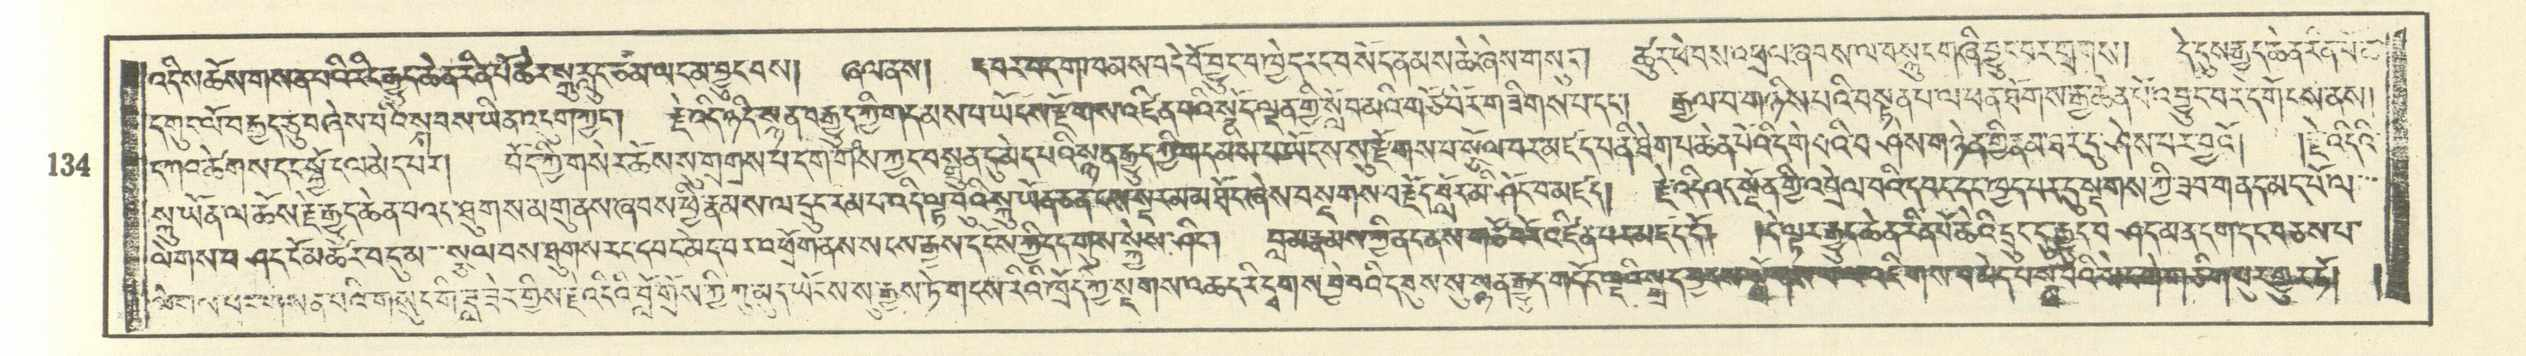འདིས་ཆོས་གསན་པའི་རིང་རྒྱུད་ཆེན་རིན་པོ་ཆེར་སྐུ་རླུང་ཙམ་ཡང་མ་བྱུང་བས། ཞལ་ནས། དབང་བདག་ཁམས་བདེ་བོ་བྱུང་བ་ཁྱེད་རང་བསོད་ནམས་ཆེ་ཞེས་གསུང་། ཚུར་ཕེབས་འཕྲལ་ཞབས་ལ་བསྙུང་གཞི་བྱུང་བར་གྲགས། དེ་དུས་རྒྱུད་ཆེན་རིན་པོ་ཆེ་
དགུང་ལོ་བརྒྱད་ཅུ་བཞེས་པའི་སྐབས་ཡིན་འདུག་ཀྱང་། རྗེ་འདི་ཉིད་སྙན་བརྒྱུད་ཀྱི་གདམས་པ་ཡོངས་རྫོགས་འཛིན་པའི་སྣོད་ལྡན་གྱི་སློབ་མའི་གཙོ་བོར་གཟིགས་པ་དང་། རྒྱལ་བ་གཉིས་པའི་བསྟན་པ་ལ་ཕན་ཐོགས་རྒྱ་ཆེན་པོ་འབྱུང་བར་དགོངས་ནས།
དཀའ་ཚེགས་དང་སྐྱོ་ངལ་མེད་པར། བོད་ཀྱི་གསེར་ཆོས་སུ་གྲགས་པ་དག་གིས་ཀྱང་བསྒྲུན་དུ་མེད་པའི་སྙན་རྒྱུད་ཀྱི་གདམས་པ་ཡོངས་སུ་རྫོགས་པ་སྩོལ་བར་མཛད་པ་ནི་ཐེག་པ་ཆེན་པོའི་དགེ་བའི་བཤེས་གཉེན་གྱི་རྣམ་ཐར་དུ་ཤེས་པར་བྱའོ། །རྗེ་འདིའི་
སྐུ་ཡོན་ལ་ཆོས་རྗེ་རྒྱུད་ཆེན་པའང་ཐུགས་མགུ་ནས་ཞབས་ཕྱི་རྣམས་ལ་དྲུང་རམ་པ་འདི་ལྟ་བུའི་སྐུ་ཡོན་ཅན་ངས་སྔར་མ་མཐོང་ཞེས་བསྔགས་བརྗོད་བློར་མི་ཤོང་བ་མཛད། རྗེ་འདིའང་སྔོན་གྱི་འབྲེལ་བའི་དབང་དང་ཁྱད་པར་དུ་སྔགས་ཀྱི་ཟབ་གནད་མང་པོ་ལ་
ལེགས་བཤད་ངོ་མཚར་བ་དུ་མ་སྩལ་བས་ཐུགས་རང་དབང་མེད་པར་འཕྲོག་ནས་སངས་རྒྱས་དངོས་ཀྱི་དད་གུས་སྐྱེས་ཤིང་། བླ་མ་རྣམས་ཀྱི་ནང་ནས་གཙོ་བོར་འཛིན་པར་མཛད་དོ། །དེ་ལྟར་རྒྱུད་ཆེན་རིན་པོ་ཆེའི་དྲུང་དུ་རྒྱུད་བཤད་མན་ངག་དང་བཅས་པ་
ལེགས་པར་གསན་པའི་གསུང་གི་ཟླ་ཟེར་གྱིས་རྗེ་འདིའི་བློ་གྲོས་ཀྱི་ཀུ་མུད་ཡོངས་སུ་རྒྱས་ཏེ་གངས་རིའི་ཁྲོད་ཀྱི་སྔགས་འཆད་རི་དྭགས་བྱེ་བའི་དབུས་སུ་སྙན་རྒྱུད་གདོང་ལྔའི་སྒྲ་དབྱངས་སྒྲོགས་པ་ལ་འཇིགས་པ་མེད་པ་སྨྲ་བའི་སེང་གེ་གཅིག་པུར་གྱུར་ཏོ། །